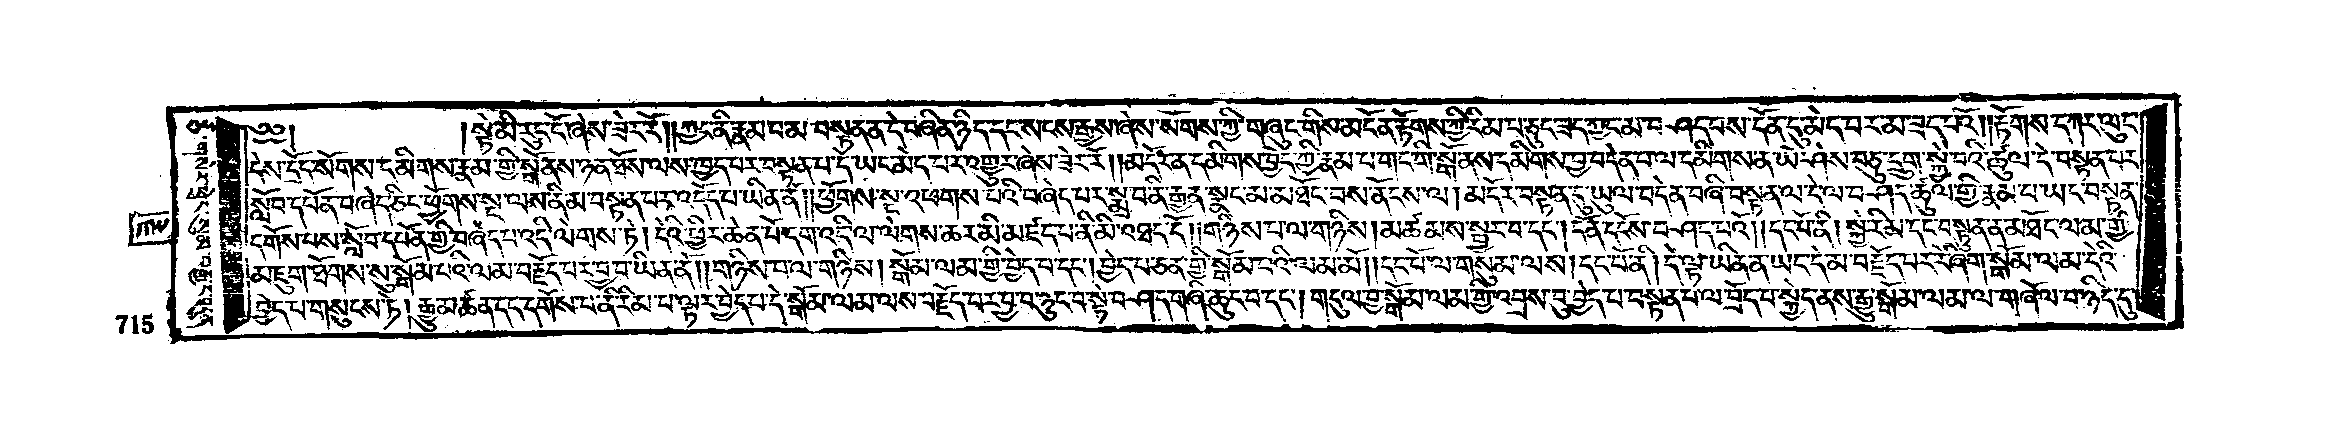༄༅། །སྟེ་མི་རུང་ངོ་ཞེས་ཟེར་རོ། །ཀྱང་ནི་རྣམ་པ་མ་བསྟན་ན་དེ་བཞིན་ཉིད་དང་སངས་རྒྱས་ཞེས་སོགས་ཀྱི་གཞུང་གིས་མངོན་རྟོགས་ཀྱི་རིམ་པ་ཅུང་ཟད་ཀྱང་མ་བཤད་པས་དོན་དུ་མེད་པར་མ་ཟད་པའོ། །རྟོགས་དཀར་ལུང་
དེས་དྲོད་སོགས་དམིགས་རྣམ་གྱི་སྒོ་ནས་ཉན་ཐོས་ལས་ཁྱད་པར་བསྟན་པ་དེ་ཡང་མེད་པར་འགྱུར་ཞེས་ཟེར་རོ། །མདོར་ན་དམིགས་བྱེད་ཀྱི་རྣམ་པ་གང་གི་སྒོ་ནས་དམིགས་བྱ་བདེན་པ་ལ་དམིགས་ན་ཡེ་ཤེས་བཅུ་དྲུག་སྐྱེ་བའི་ཚུལ་དེ་བསྟན་པར་
སློབ་དཔོན་བཞེད་ཅིང་ཕྱོགས་སྔ་ལས་ནི་མ་བསྟན་པར་འདོད་པ་ཡིན་ནོ། །ཕྱོགས་སྔ་འཕགས་པའི་བཞེད་པར་སྨྲ་བ་ནི་རྒྱན་སྣང་མ་མཐོང་བས་ནོངས་ལ། མདོར་བསྟན་དུ་ཡུལ་བདེན་བཞི་བསྟན་ལ་དེ་ལ་བཤད་ཚུལ་གྱི་རྣམ་པ་ཡང་བསྟན་
དགོས་པས་སློབ་དཔོན་གྱི་བཞེད་པ་འདི་ལེགས་ཏེ། དེའི་ཕྱིར་ཆེན་པོ་དག་འདི་ལ་ལེགས་ཆར་མི་མཛད་པ་ནི་མི་འཐད་དོ། །གཉིས་པ་ལ་གཉིས། མཚམས་སྦྱར་བ་དང་། དོན་དངོས་བཤད་པའོ། །དང་པོ་ནི། སྐྱེ་རིམ་དང་བསྟུན་ན་མཐོང་ལམ་གྱི་
མཇུག་ཐོགས་སུ་སྒོམ་པའི་ལམ་བརྗོད་པར་བྱ་བ་ཡིན་ནོ། །གཉིས་པ་ལ་གཉིས། སྒོམ་ལམ་གྱི་བྱེད་པ་དང་། བྱེད་པ་ཅན་གྱི་སྒོམ་པའི་ལམ་མོ། །དང་པོ་ལ་གསུམ་ལས། དང་པོ་ནི། དེ་ལྟ་ཡིན་ན་ཡང་དེ་མ་བརྗོད་པར་རེ་ཞིག་སྒོམ་ལམ་དེའི་
བྱེད་པ་གསུངས་ཏེ། རྒྱུ་མཚན་དང་དགོས་པ་ནི་རིམ་པ་ལྟར་བྱེད་པ་དེ་སྒོམ་ལམ་ལས་བརྗོད་པར་བྱ་བ་ཉུང་བ་སྟེ་བཤད་གཞི་ཆུང་བ་དང་། གདུལ་བྱ་སྒོམ་ལམ་གྱི་འབྲས་བུ་བྱེད་པ་བསྟན་པ་ལ་བྲེད་པ་སྐྱེད་ནས་རྒྱུ་སྒོམ་ལམ་ལ་གཞོལ་བ་ཉིད་དུ་